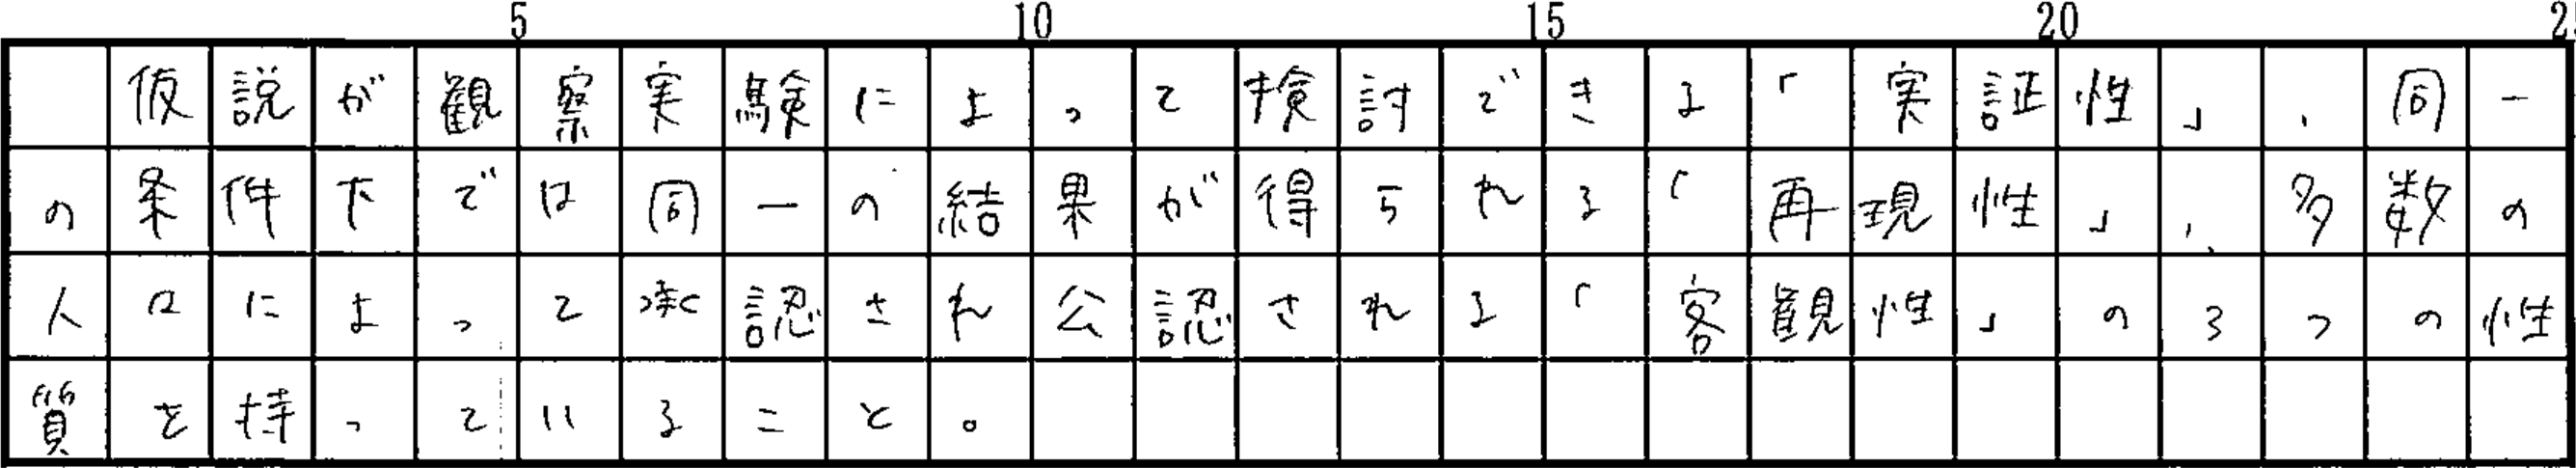　仮説が観察実験によって検討できる「実証性」、同一の条件下では同一の結果が得られる「再現性」、多数の人々によって承認され公認される「客観性」の３つの性質を持っていること。
